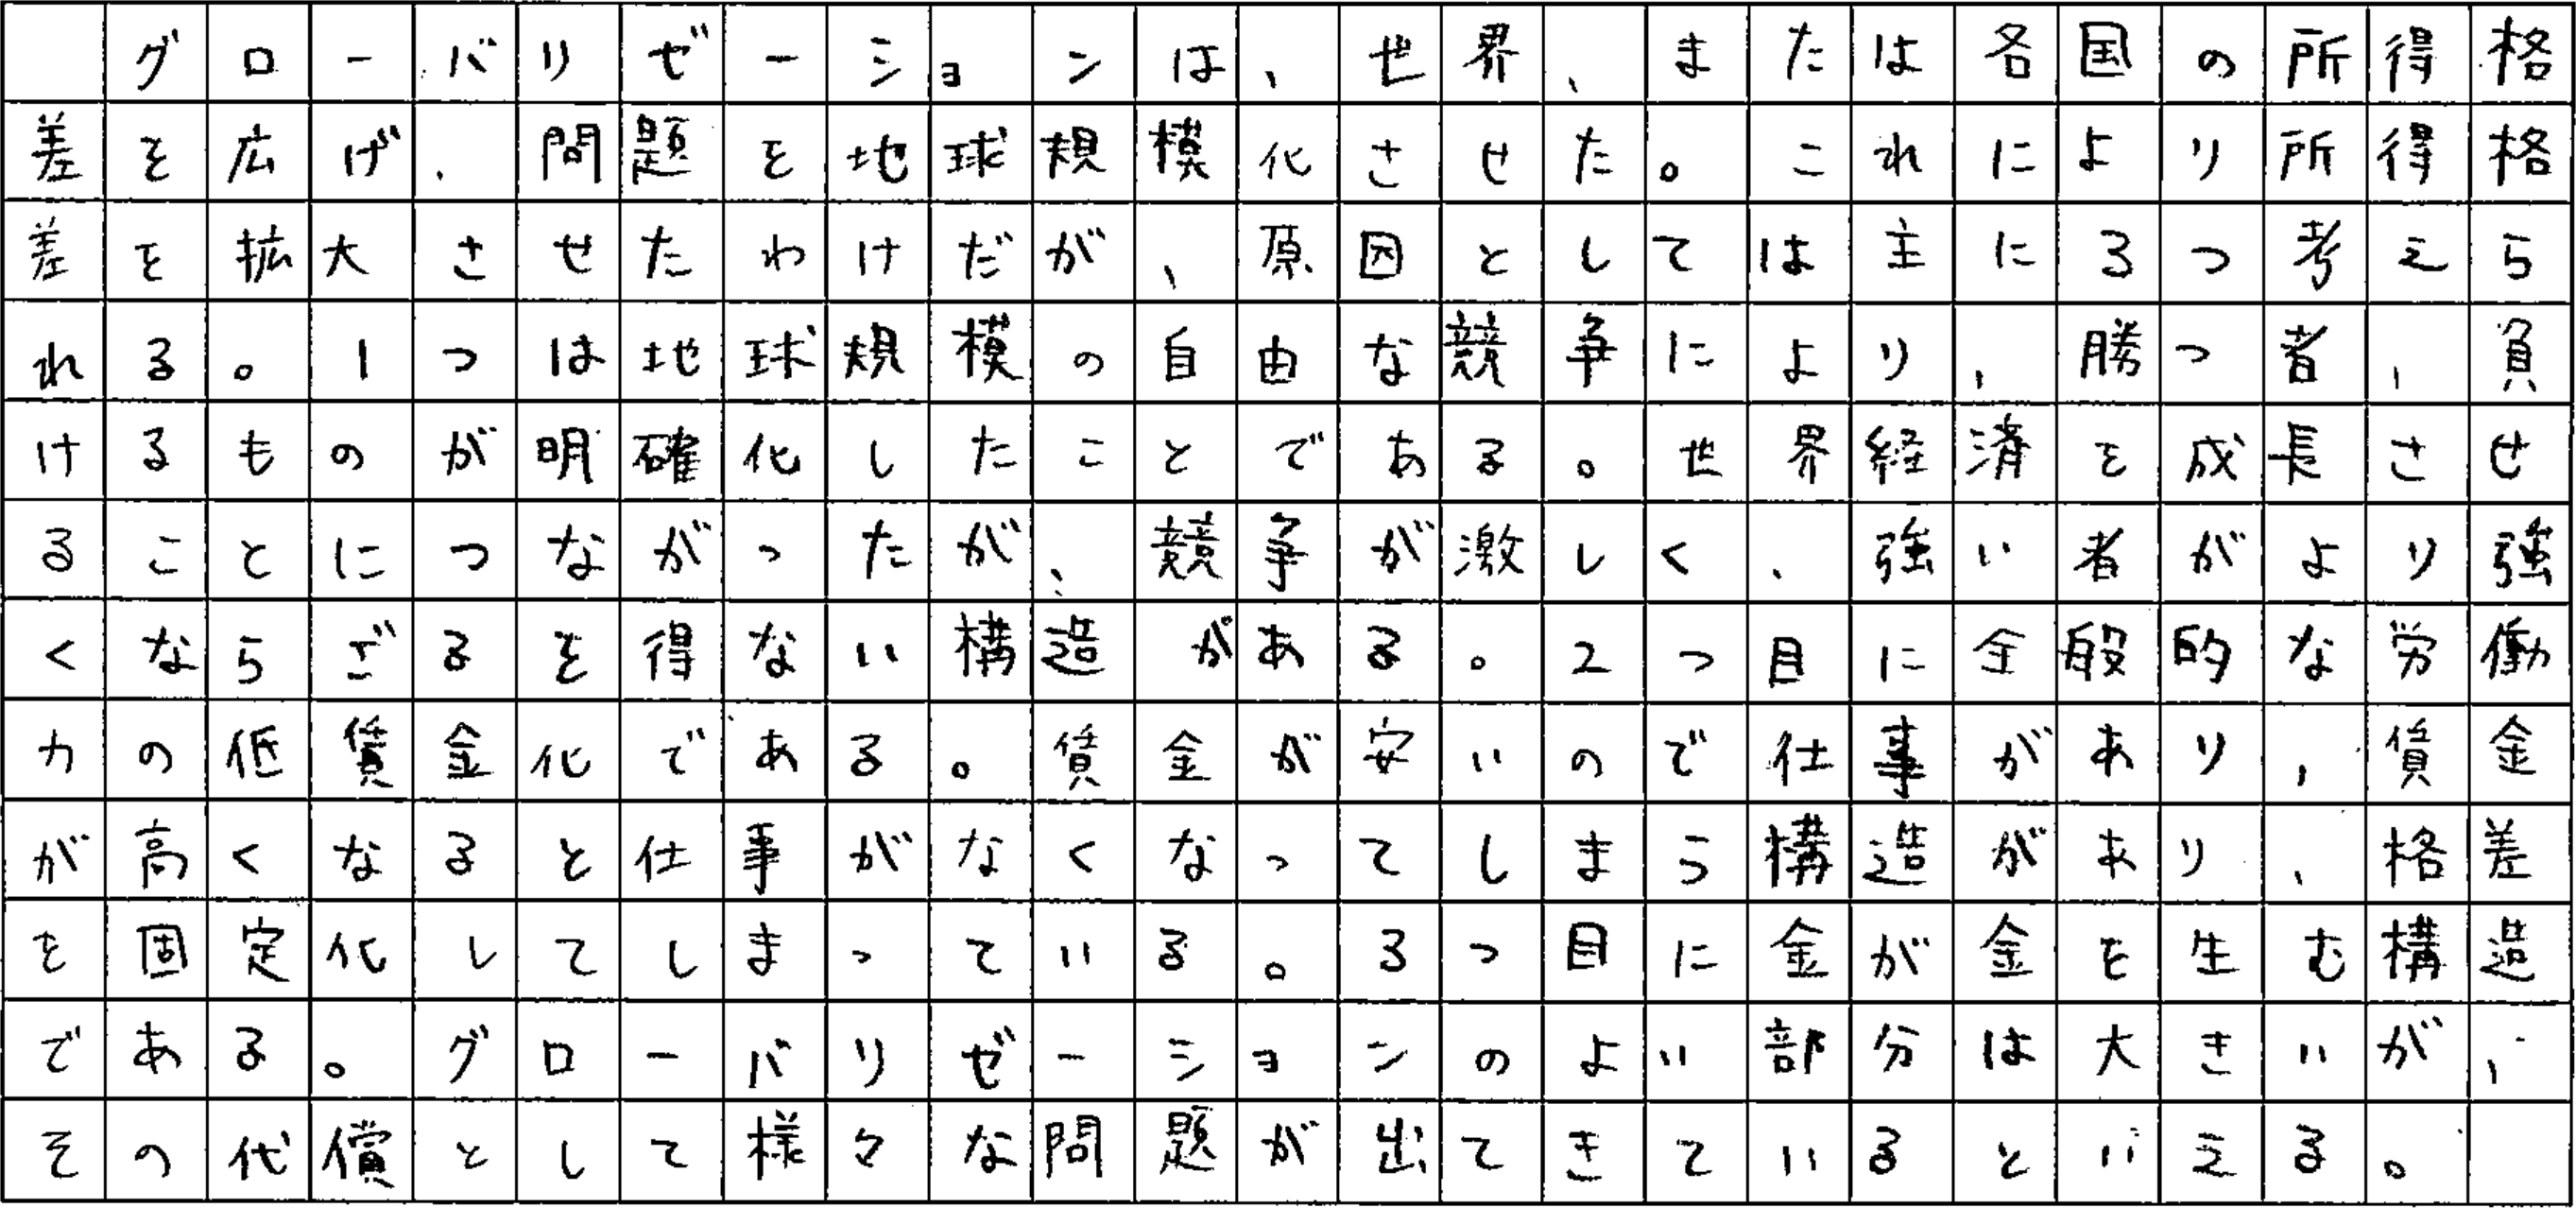　グローバリゼーションは、世界、または各国の所得格差を広げ、問題を地球規模化させた。これにより所得格差を拡大させたわけだが、原因としては主に３つ考えられる。1つは地球規模の自由な競争により、勝つ者、負けるものが明確化したことである。世界経済を成長させることにつながったが、競争が激しく、強い者がより強くならざるを得ない構造がある。2つ目に全般的な労働力の低賃金化である。賃金が安いので仕事があり、賃金が高くなると仕事がなくなってしまう構造があり、格差を固定化してしまっている。3つ目に金が金を生む構造である。グローバリゼーションのよい部分は大きいが、その代償として様々な問題が出てきているといえる。
